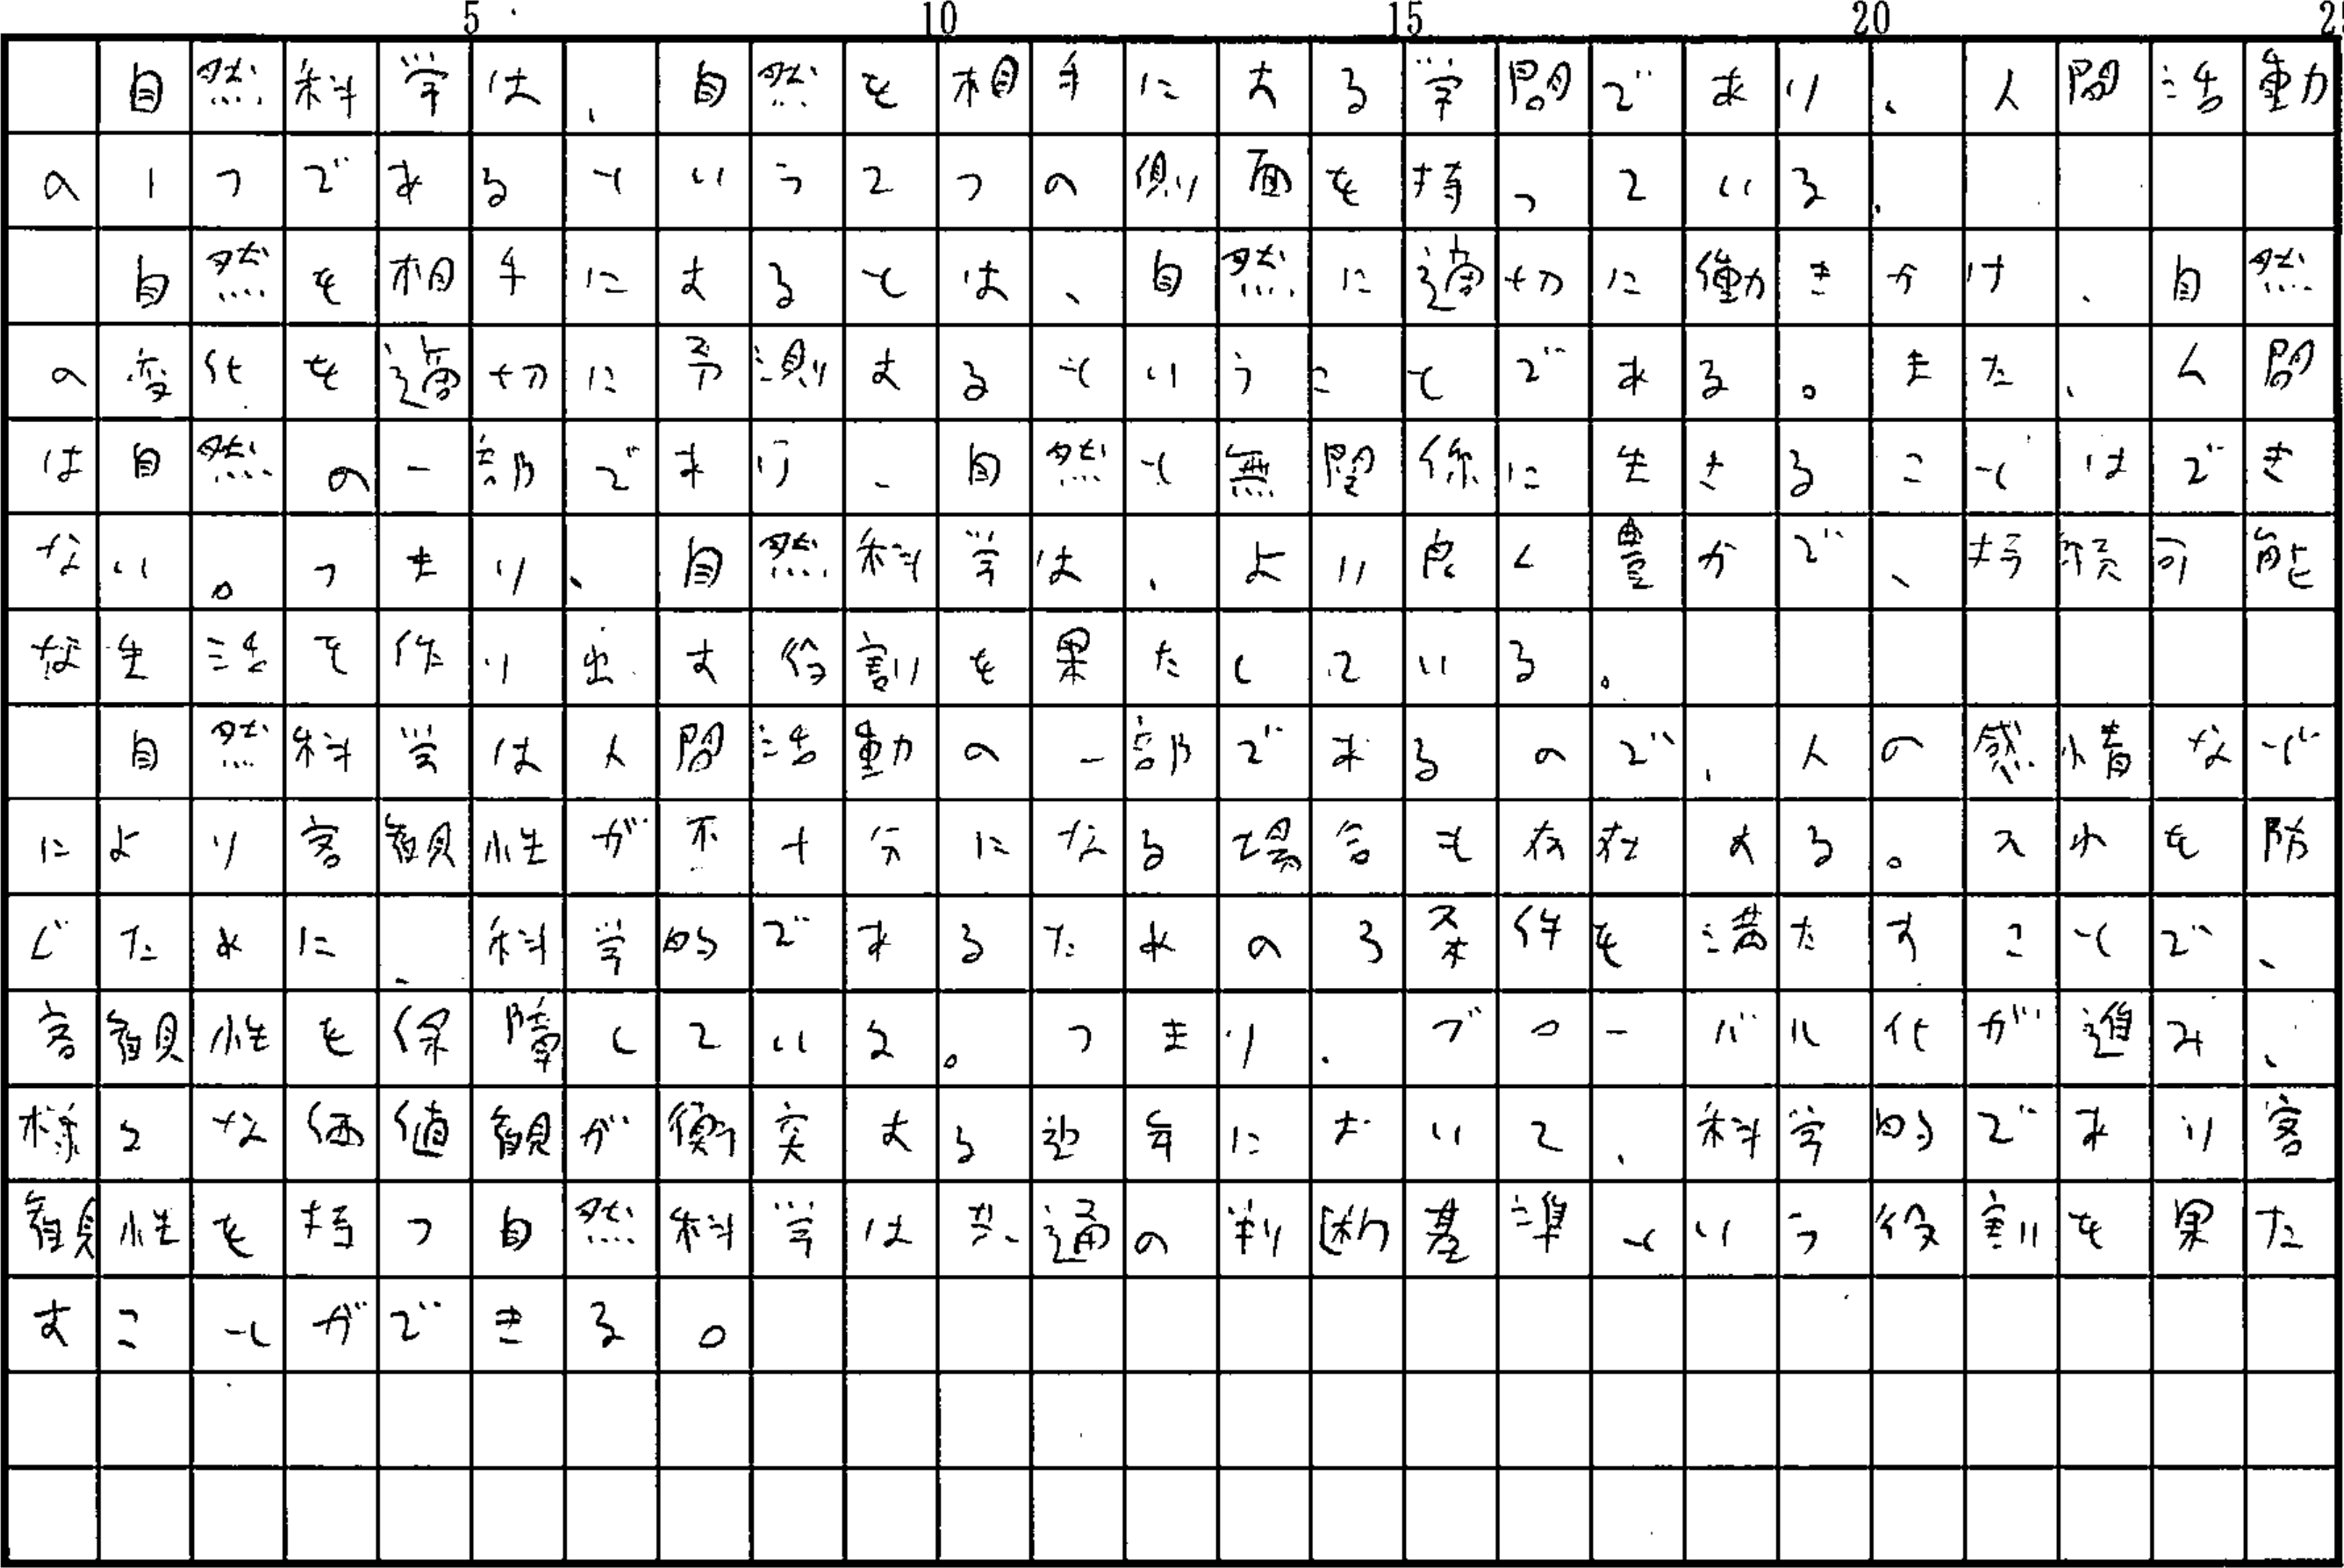　自然科学は、自然を相手にする学問であり、人間活動の１つであるという２つの側面を持っている。
　自然を相手にするとは、自然に適切に働きかけ、自然の変化を適切に予測するということである。また、人間は自然の一部であり、自然と無関係に生きることはできない。つまり、自然科学は、より良く豊かで、持続可能な生活を作り出す役割を果たしている。
　自然科学は人間活動の一部であるので、人の感情などにより客観性が不十分になる場合も存在する。それを防ぐために、科学的であるための３条件を満たすことで、客観性を保障している。つまり、グローバル化が進み、様々な価値観が衡突する近年において、科学的であり客観性を持つ自然科学は共通の判断基準という役割を果たすことができる。
